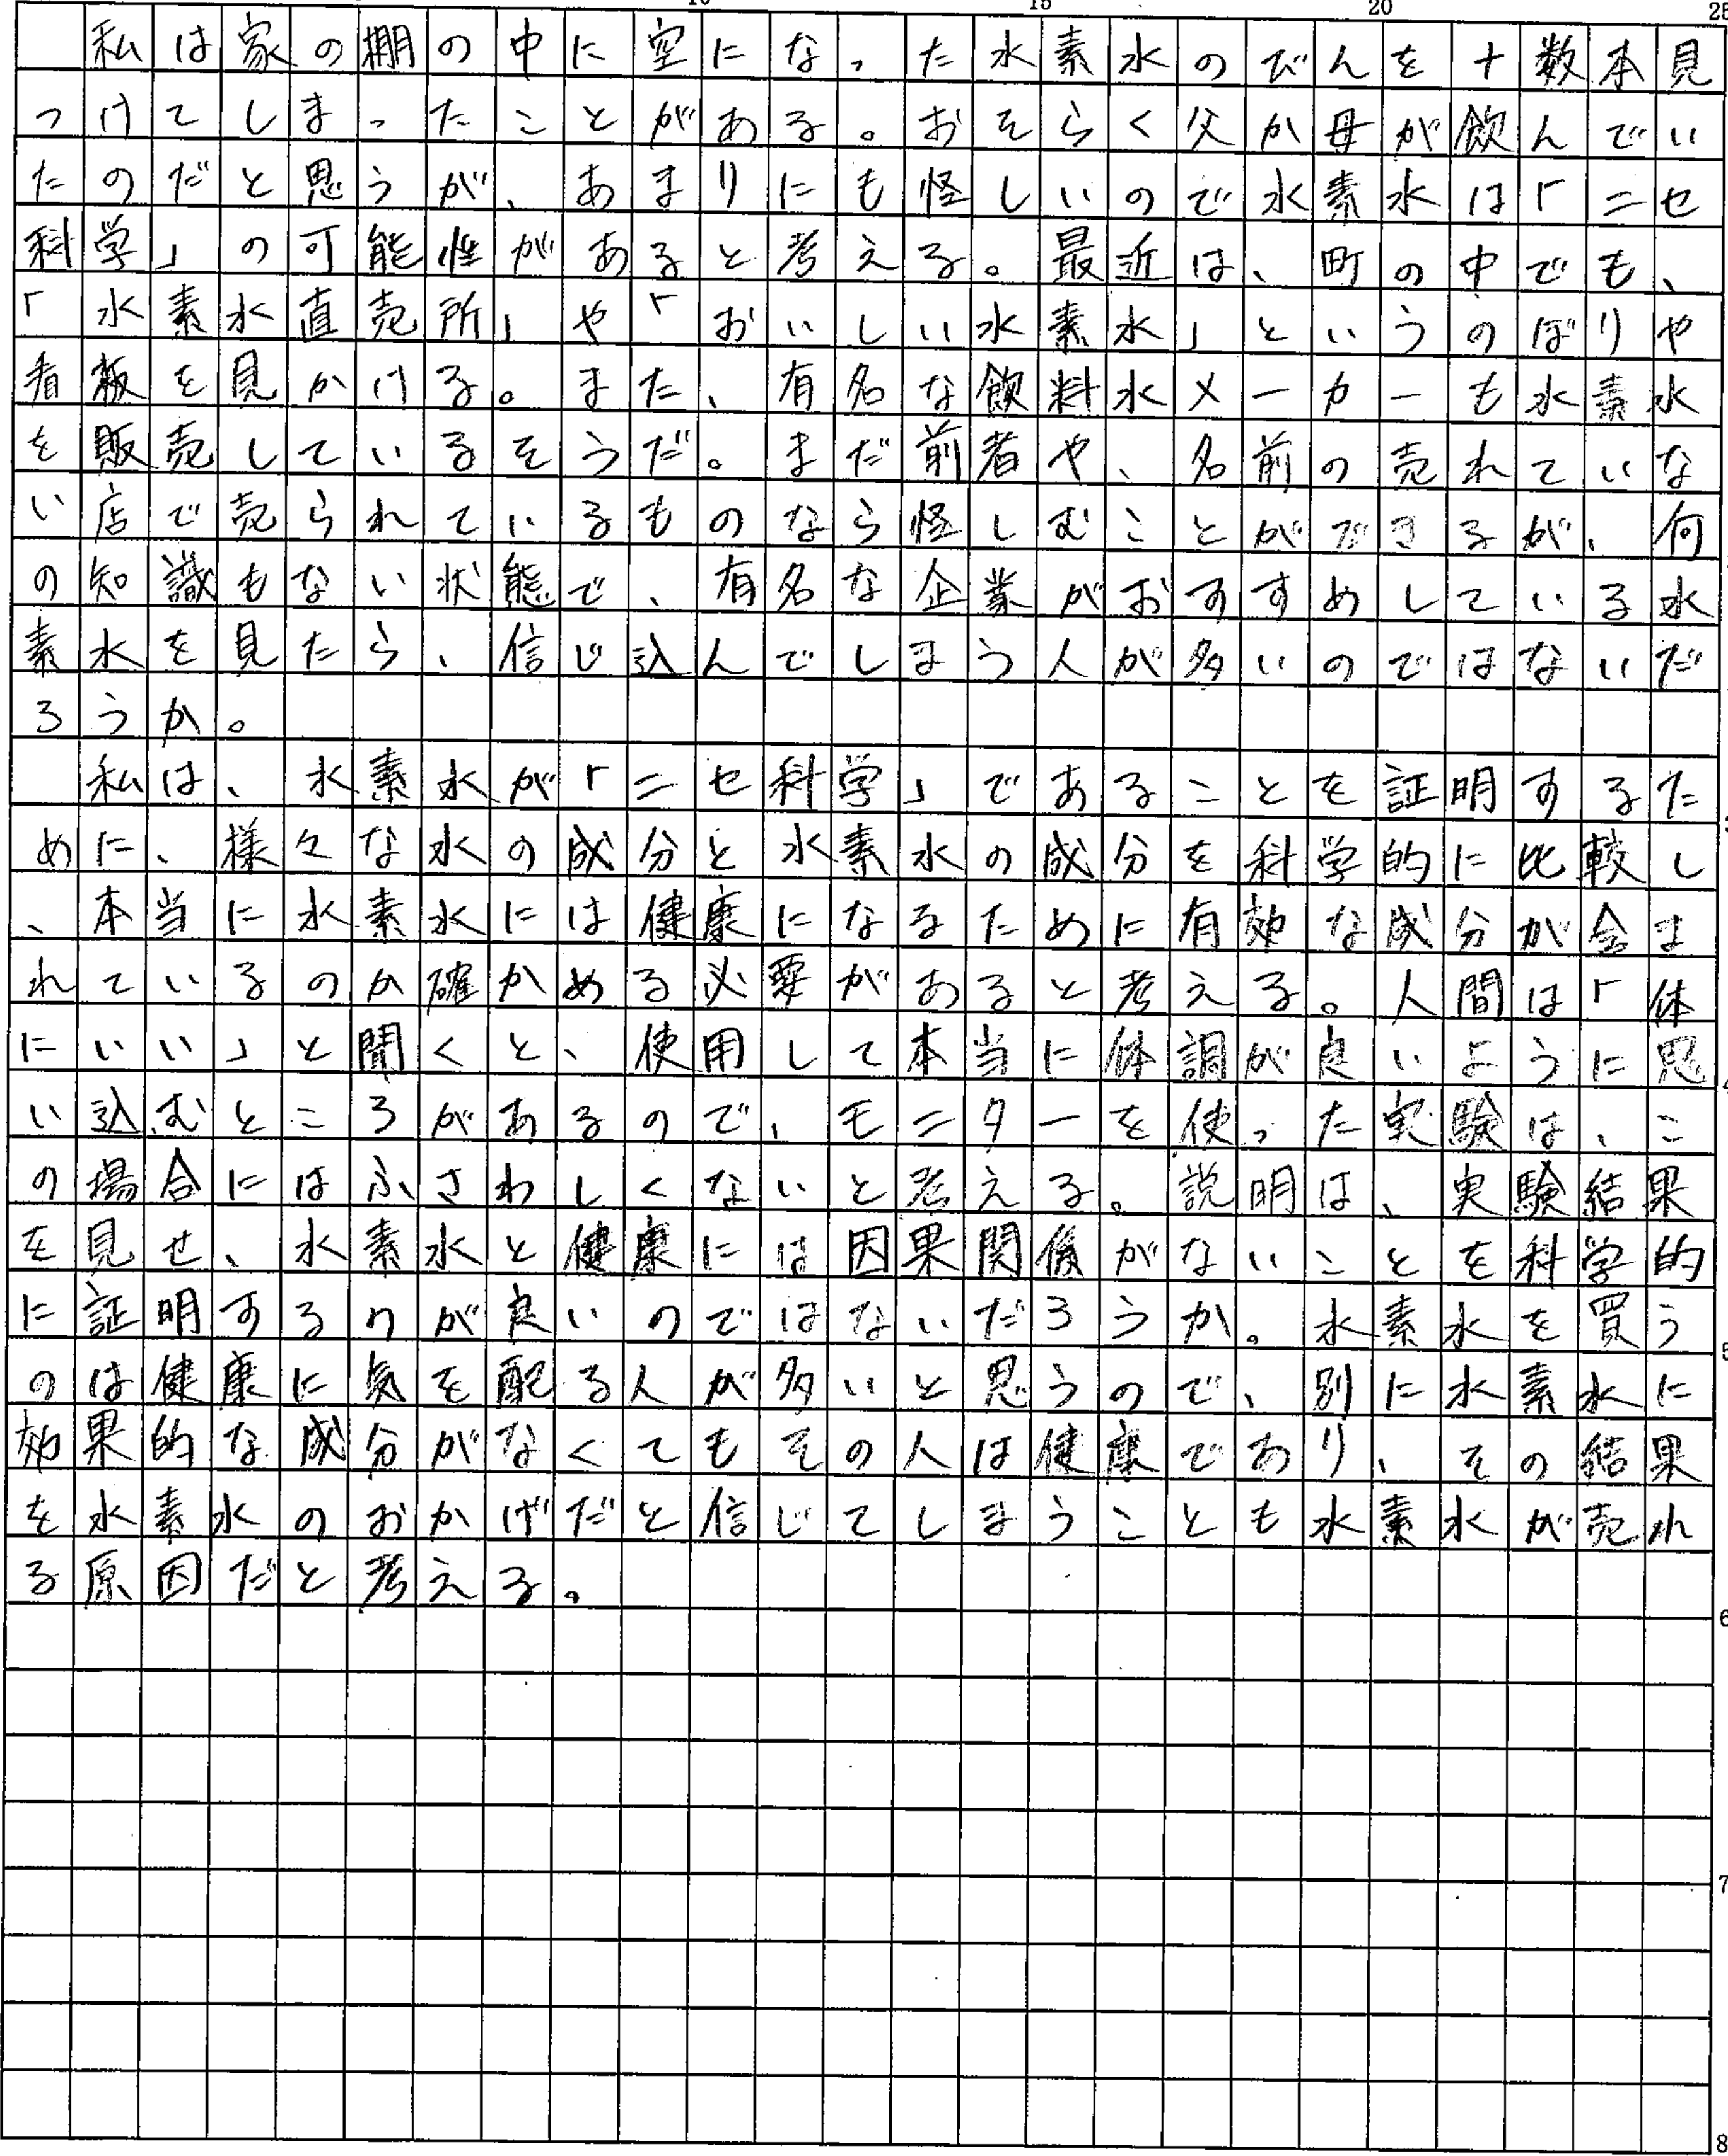　私は家の棚の中に空になった水素水のびんを十数本見つけてしまったことがある。おそらく父か母が飲んでいたのだと思うが、あまりにも怪しいので水素水は「ニセ科学」の可能性があると考える。最近は、町の中でも、「水素水直売所」や「おいしい水素水」というのぼりや看板を見かける。また、有名な飲料水メーカーも水素水を販売しているそうだ。まだ前者や、名前の売れていない店で売られているものなら怪しむことができるが、何の知識もない状態で、有名な企業がおすすめしている水素水を見たら、信じ込んでしまう人が多いのではないだろうか。
　私は、水素水が「ニセ科学」であることを証明するために、様々な水の成分と水素水の成分を科学的に比較し、本当に水素水には健康になるために有効な成分が含まれているのか確かめる必要があると考える。人間は「体にいい」と聞くと、使用して本当に体調が良いように思い込むところがあるので、モニターを使った実験は、この場合にはふさわしくないと考える。説明は、実験結果を見せ、水素水と健康には因果関係がないことを科学的に証明するのが良いのではないだろうか。水素水を買うのは健康に気を配る人が多いと思うので、別に水素水に効果的な成分がなくてもその人は健康であり、その結果を水素水のおかげだと信じてしまうことも水素水が売れる原因だと考える。
